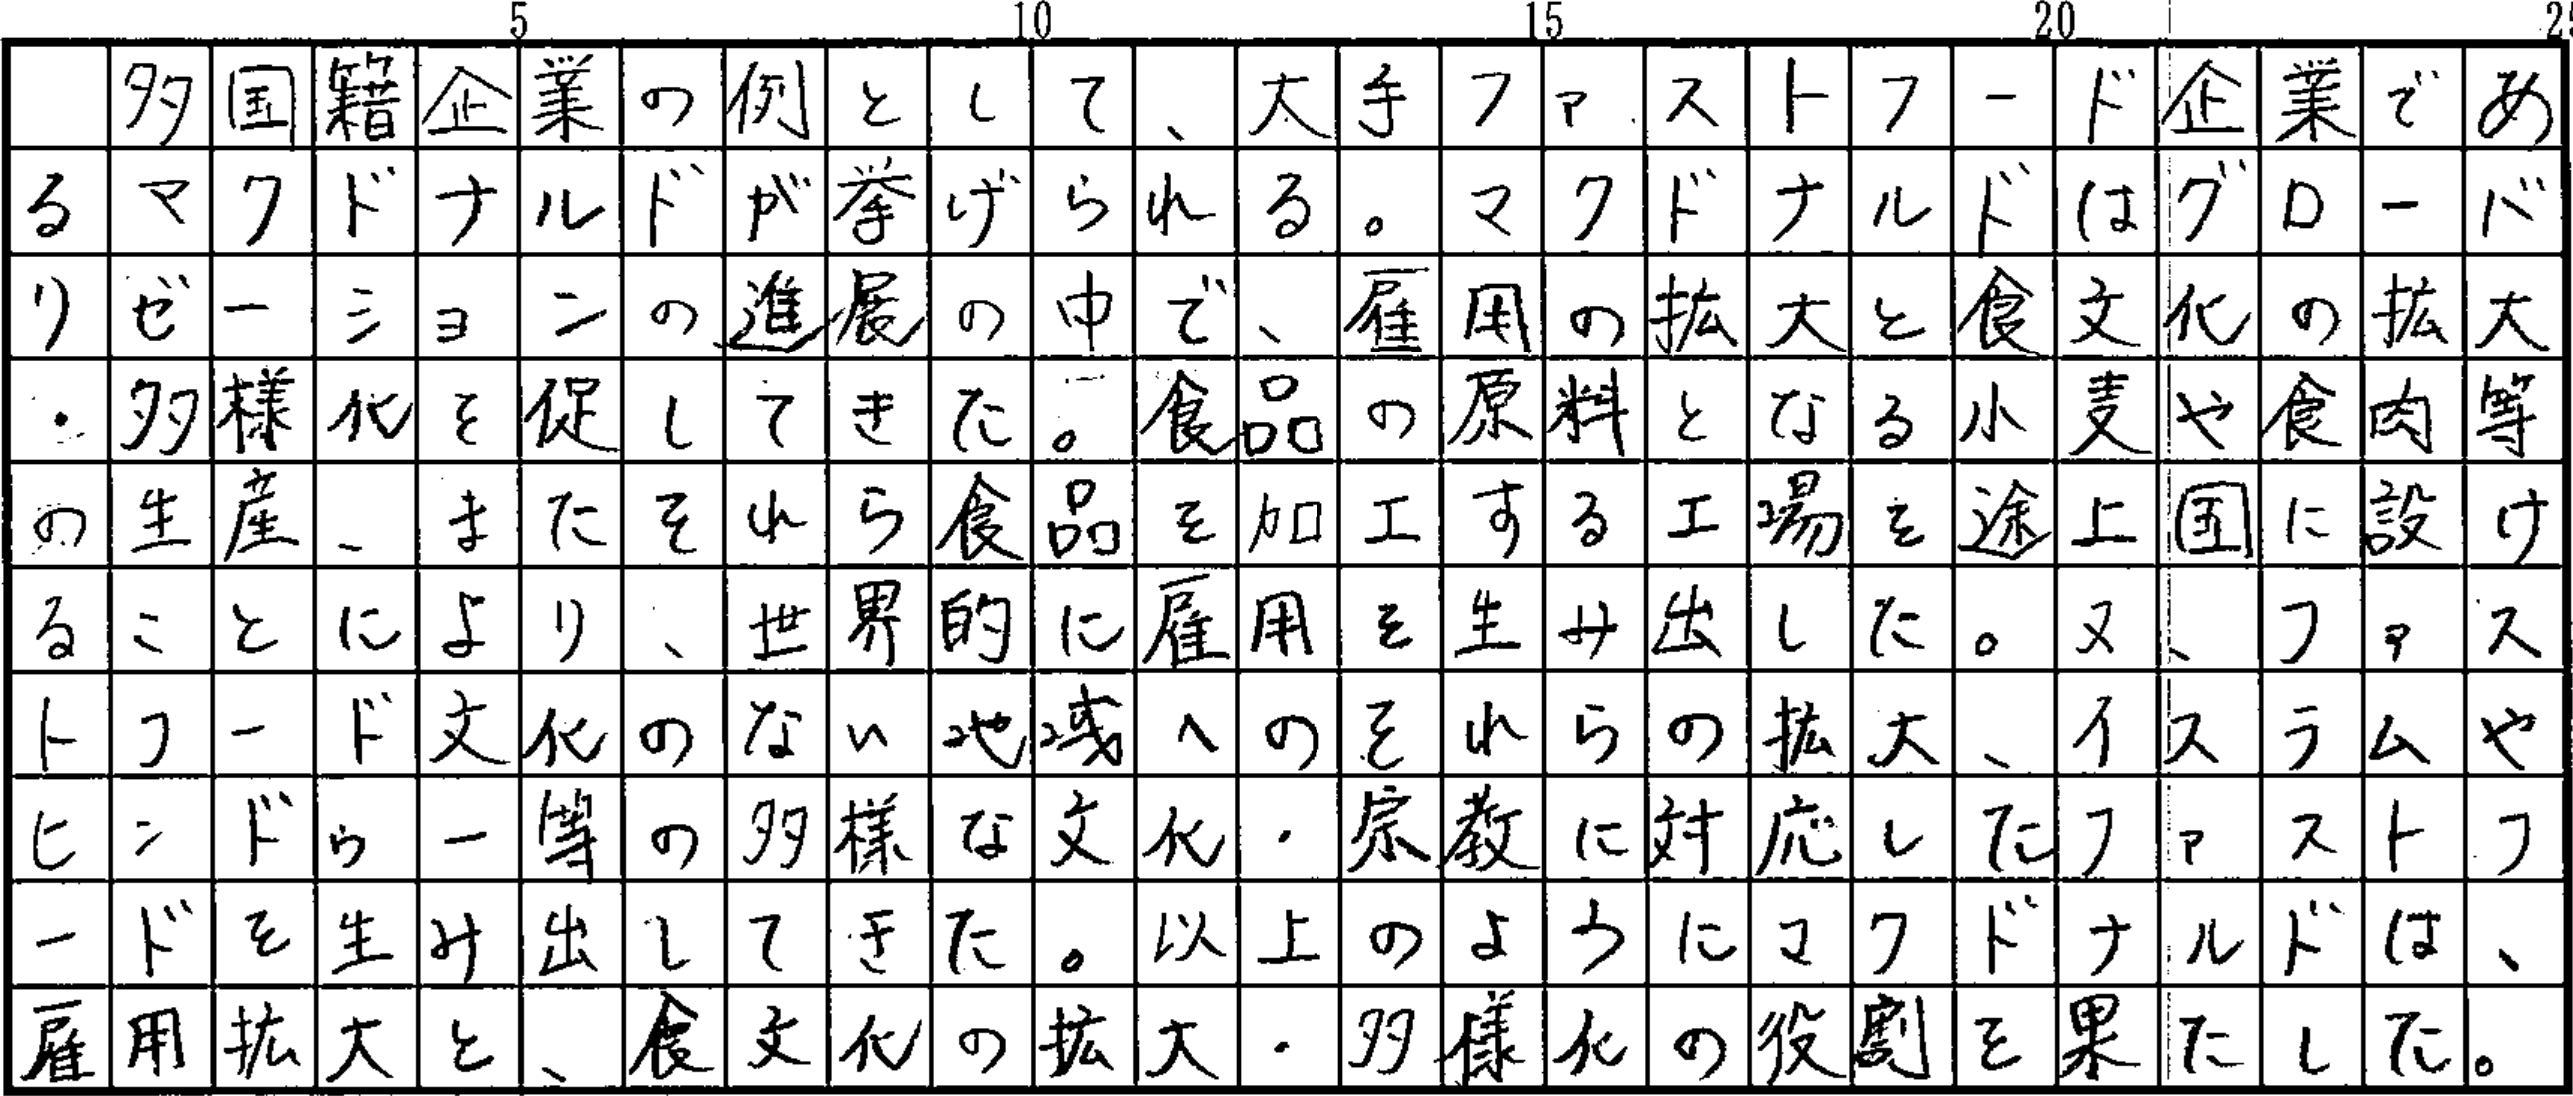　多国籍企業の例として、大手ファストフード企業であるマクドナルドが挙げられる。マクドナルドはグローバリゼーションの進展の中で、雇用の拡大と食文化の拡大・多様化を促してきた。食品の原料となる小麦や食肉等の生産、またそれら食品を加工する工場を途上国に設けることにより、世界的に雇用を生み出した。又、ファストフード文化のない地域へのそれらの拡大、イスラムやヒンドゥー等の多様な文化・宗教に対応したファストフードを生み出してきた。以上のようにマクドナルドは、雇用拡大と、食文化の拡大・多様化の役割を果たした。
